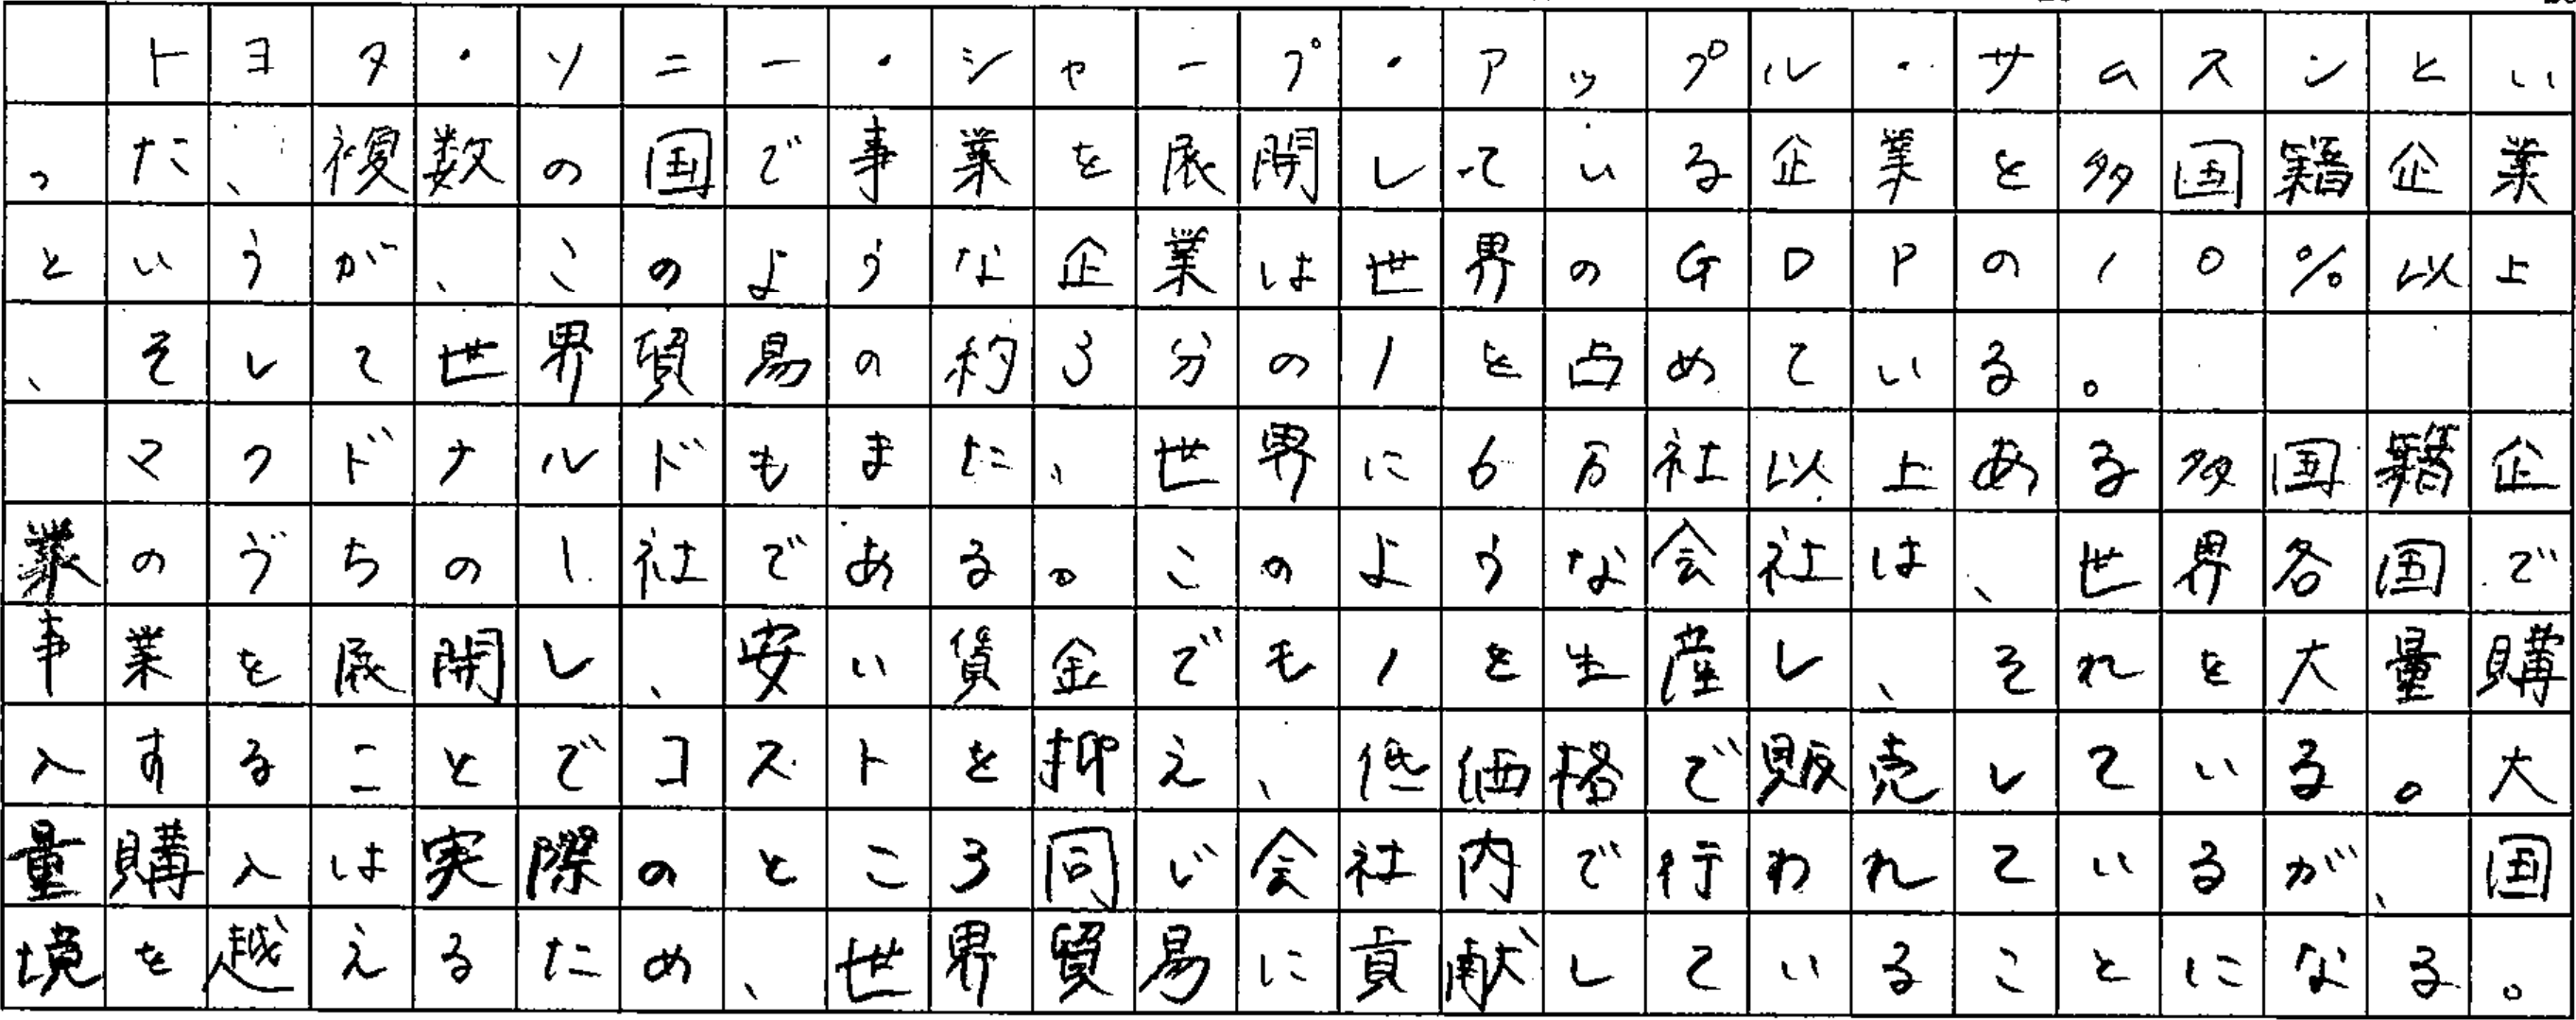　トヨタ・ソニー・シャープ・アップル・サムスンといった、複数の国で事業を▁開している企業を多国籍企業というが、このような企業は世界のＧＤＰの１０％以上、そして世界貿易の約３分の１を占めている。
　マクドナルドもまた、世界に６万社以上ある多国籍企業のうちの１社である。このような会社は、世界各国で事業を展開し、安い賃金でモノを生産し、それを大量購入することでコストを抑え、低価格で販売している。大量購入は実際のところ同じ会社内で行われているが、国境を越えるため、世界貿易に貢献していることになる。
